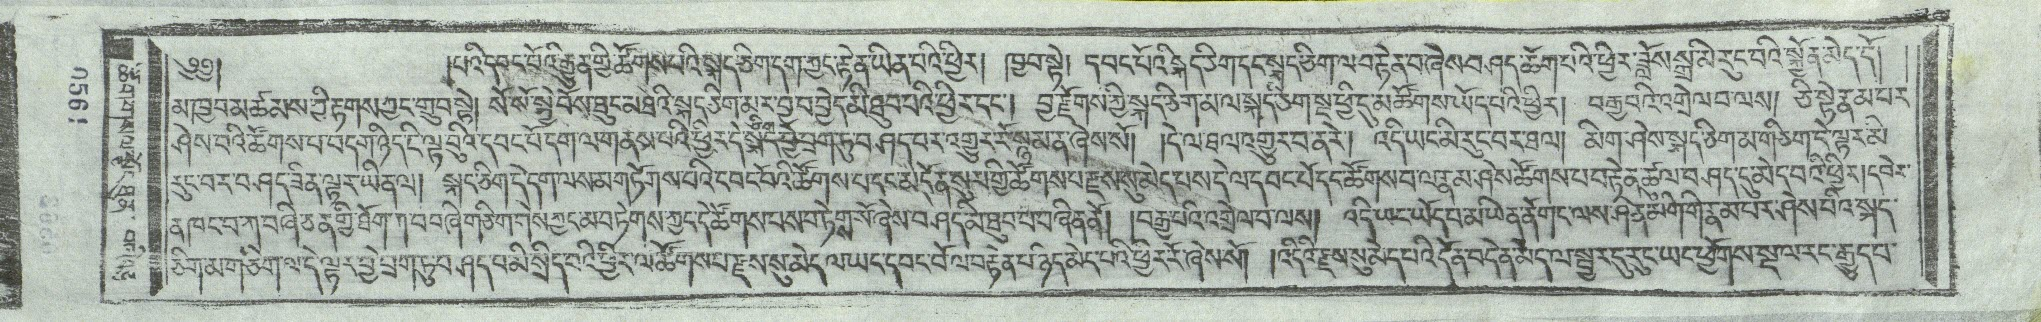༄༅། །པའི་དབང་པོའི་རྒྱུན་གྱི་ཚོགས་པའི་སྐད་ཅིག་དག་ཀྱང་རྟེན་ཡིན་པའི་ཕྱིར། ཁྱབ་སྟེ། དབང་པོའི་སྐད་ཅིག་དང་སྐད་ཅིག་ལ་བརྟེན་བ་ཞེས་བཤད་ཆོག་པའི་ཕྱིར་ཟློས་སྒྲ་མི་རུང་བའི་སྐྱོན་མེད་དོ། །
མ་ཁྱབ་མཚམས་ཀྱི་རྟགས་ཀྱང་གྲུབ་སྟེ། སོ་སོ་སྐྱེ་བོས་ཐུང་མཐའི་སྐད་ཅིག་མར་བྱ་བ་བྱེད་མི་ཐུབ་པའི་ཕྱིར་དང་། བྱ་རྫོགས་ཀྱི་སྐད་ཅིག་མ་ལ་སྐད་ཅིག་སྔ་ཕྱི་དུ་མ་ཚོགས་ཡོད་པའི་ཕྱིར། བརྒྱ་བའི་འགྲེལ་བ་ལས། ཅི་སྟེ་རྣམ་པར་
ཤེས་བའི་ཚོགས་པ་བདག་ཉིད་ཇི་ལྟ་བུའི་དབང་པོ་དག་ལ་གནས་པའི་ཕྱིར་དེ་སྐད་ཅིག་བྱེ་བྲག་ཏུ་བཤད་པར་འགྱུར་རོ་སྙམ་ན་ཞེས་སོ། །དེ་ལ་ཐལ་འགྱུར་བ་ན་རེ། འདི་ཡང་མི་རུང་བར་ཐལ། མིག་ཤེས་སྐད་ཅིག་མ་གཅིག་དེ་ལྟར་མི་
རུང་བར་བཤད་ཟིན་ལྟར་ཡིན་ལ། སྐད་ཅིག་དེ་དག་ལས་མ་གཏོགས་པའི་དབང་པོའི་ཚོགས་པ་དང་མངོན་སུམ་གྱི་ཚོགས་པ་རྫས་སུ་མེད་པས་དེ་ལ་དབང་པོ་དང་ཚོགས་པ་ལ་རྣམ་ཤེས་ཚོགས་པ་བརྟེན་ཚུལ་བཤད་དུ་མེད་པའི་ཕྱིར། དཔེར་
ན་ཁང་བ་ཀ་བཞི་ཅན་གྱི་ཐོག་ཀ་བ་བཞི་གཅིག་གིས་ཀྱང་མ་བཏེགས་ཀྱང་དེ་ཚོགས་པས་བཏེགས་སོ་ཞེས་བཤད་མི་ཐུབ་པ་བཞིན་ནོ། །བརྒྱ་པའི་འགྲེལ་བ་ལས། འདི་ཡང་ཡོད་པ་མ་ཡིན་ནོ་གང་ལས་ཤེན་མིག་གི་རྣམ་པར་ཤེས་པའི་སྐད་
ཅིག་མ་གཅིག་ལ་དེ་ལྟར་བྱེ་བྲག་ཏུ་བཤད་པ་མི་སྲིད་བའི་ཕྱིར་ལ་ཚོགས་པ་རྫས་སུ་མེད་ལ་ཡང་དབང་པོ་ལ་བརྟེན་པ་ཉིད་མེད་པའི་ཕྱིར་རོ་ཞེས་སོ། །འདིའི་རྫས་སུ་མེད་པའི་དོན་བདེན་མེད་ལ་སྦྱར་དུ་རུང་ཡང་ཕྱོགས་སྔ་ལ་རང་རྒྱུད་པ་